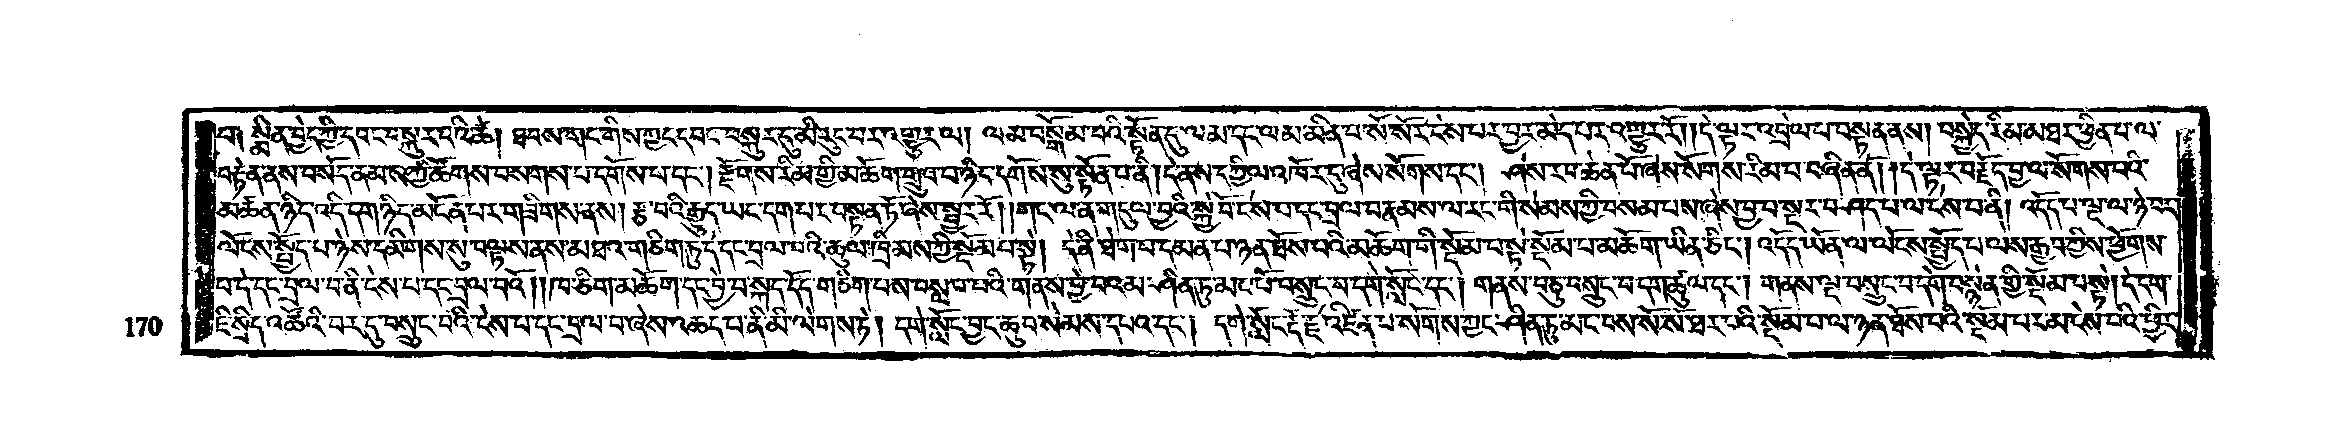པ། སྨིན་བྱེད་ཀྱི་དབང་བསྐུར་བའི་ཚེ། ཐབས་གང་གིས་ཀྱང་དབང་བསྐུར་དུ་མི་རུང་བར་འགྱུར་ལ། ལམ་བསྒོམ་པའི་སྔོན་དུ་ལམ་དང་ལམ་མིན་པ་སོ་སོར་ངེས་པར་བྱར་མེད་པར་འགྱུར་རོ། །དེ་ལྟར་འབྲེལ་པ་བསྟན་ནས། བསྐྱེད་རིམ་མཐར་ཕྱིན་པ་ལ་
བརྟེན་ནས་བསོད་ནམས་ཀྱི་ཚོགས་བསགས་པ་དགོས་པ་དང་། རྫོགས་རིམ་གྱི་མཆོག་གྲུབ་པ་ཉིད་དགོས་སུ་སྟོན་པ་ནི། དེ་ནས་དཀྱིལ་འཁོར་དུ་ཞེས་སོགས་དང་། ཤེས་རབ་ཆེན་པོ་ཞེས་སོགས་རིམ་པ་བཞིན་ནོ། །དེ་ལྟར་བརྗོད་བྱ་ལ་སོགས་པའི་
མཚན་ཉིད་འདི་དག་ཉིད་མངོན་པར་གཟིགས་ནས། རྩ་བའི་རྒྱུད་ཡང་དག་པར་བསྟན་ཏོ་ཞེས་སྦྱར་རོ། །གང་ལ་ན་གདུལ་བྱའི་སྐྱེ་བོ་ངེས་པ་དང་བྲལ་བ་རྣམས་ལ་རང་གི་སེམས་ཀྱི་བསམ་པས་ཞེས་བྱ་བ་སྔར་བཤད་པ་ལ་ངེས་པ་ནི། འདོད་པ་ལྔ་ལ་ཉེ་བར་
ལོངས་སྤྱོད་པ་ཉེས་དམིགས་སུ་བལྟས་ནས་མཐའ་གཅིག་ཏུ་དེ་དང་བྲལ་བའི་ཚུལ་ཁྲིམས་ཀྱི་སྡོམ་པ་སྟེ། དེ་ནི་ཐེག་པ་དམན་པ་ཉན་ཐོས་པའི་མཆོག་གི་སྡོམ་པ་སྟེ་སྡོམ་པ་མཆོག་ཡིན་ཅིང་། འདོད་ཡོན་ལ་ལོངས་སྤྱོད་པ་ལས་རྒྱབ་ཀྱིས་ཕྱོགས་
པ་དེ་དང་བྲལ་བ་ནི་ངེས་པ་དང་བྲལ་བའོ། །ཁ་ཅིག་མཆོག་དང་བྱེ་བ་སྐད་དོད་གཅིག་པས་བསླབ་པའི་གནས་བྱེ་བའམ་ཤིན་ཏུ་མང་པོ་བསྲུང་བ་དགེ་སློང་དང་། གནས་བཅུ་བསྲུང་བ་དག་ཚུལ་?་དང་། གནས་ལྔ་བསྲུང་བ་དགེ་བསྙེན་གྱི་སྡོམ་པ་སྟེ། དེ་དག་
ཇི་སྲིད་འཚོའི་བར་དུ་བསྲུང་བའི་ངེས་པ་དང་བྲལ་བ་ཞེས་འཆད་པ་ནི་མི་ལེགས་ཏེ། དགེ་སློང་བྱང་ཆུབ་སེམས་དཔའ་དང་། དགེ་སློང་རྡོ་རྗེ་འཛིན་པ་སོགས་ཀྱང་ཤིན་ཏུ་མང་བས་སོ་སོ་ཐར་པའི་སྡོམ་པ་ལ་ཉན་ཐོས་པའི་སྡོམ་པར་མ་ངེས་པའི་ཕྱིར་